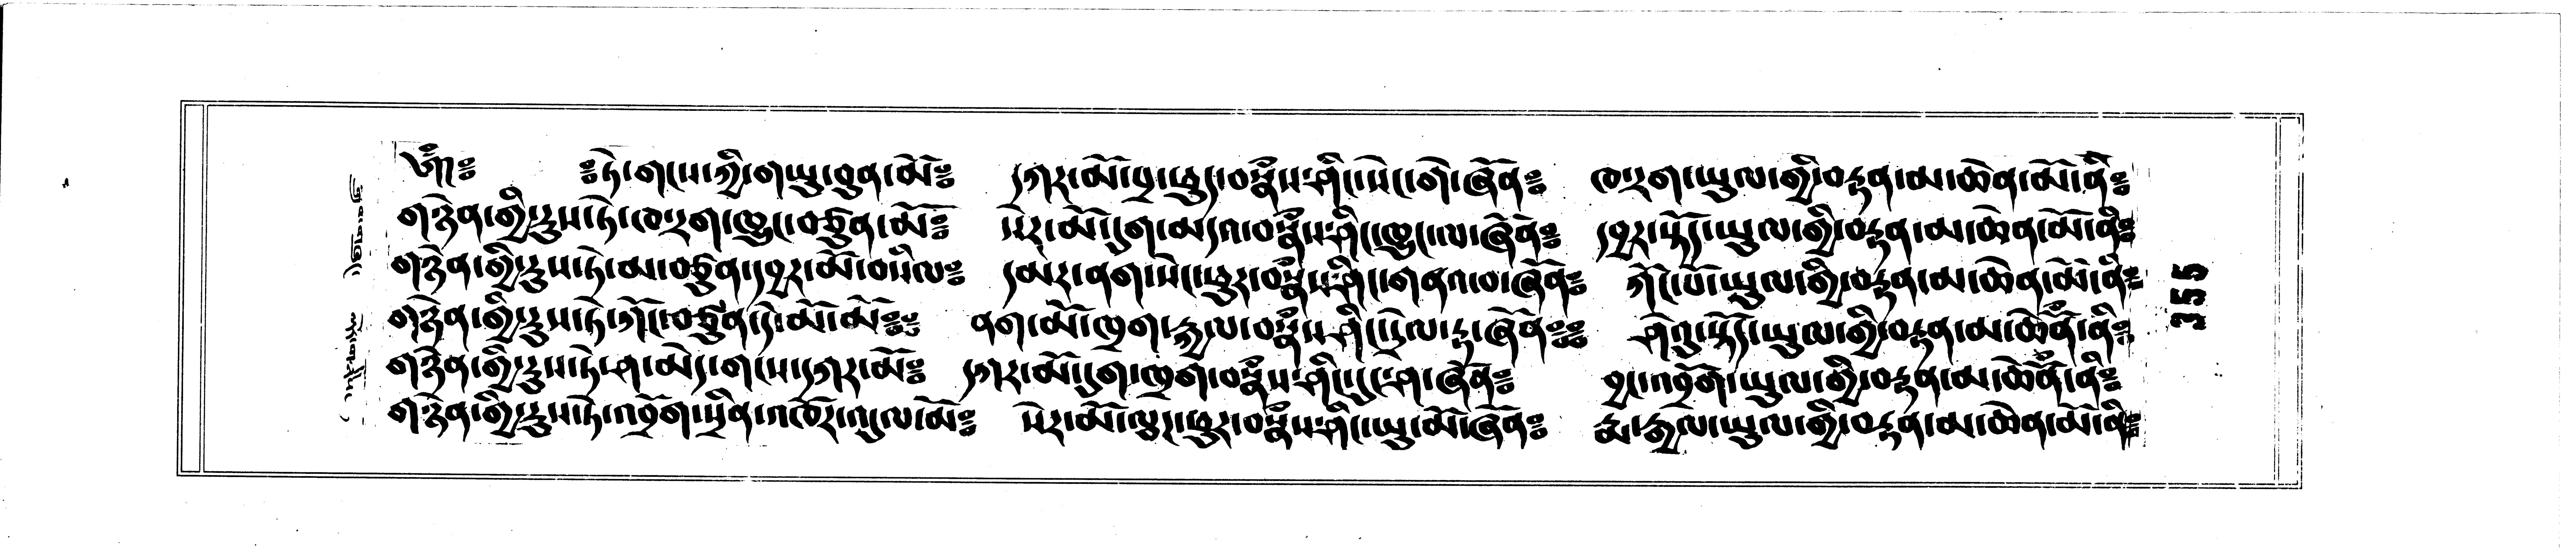༔ཏེ་གངས་ཀྱི་གཡུ་བུན་མོ༔ དཀར་མོ་པྲ་ཕུད་བསྣམས་ཤིང་སེང་གེ་ཞོན༔ ཁ་རག་ཡུལ་གྱི་བརྟན་མ་ཆེན་མོ་ནི༔ 
གཉེན་གྱི་རུས་ཏེ་ཁ་རག་ཁྱུང་བཙུན་མོ༔ སེར་མོ་དུག་མདའ་བསྣམས་ཤིང་ཁྱུང་ལ་ཞོན༔ དབྱར་སྟོད་ཡུལ་གྱི་བརྟན་མ་ཆེན་མོ་ནི༔ 
གཉེན་གྱི་རུས་ཏེ་མ་བཙུན་དབྱར་མོ་བསིལ༔ དམར་ནག་སེང་ཕུར་བསྣམས་ཤིང་གནའ་བ་ཞོན༔ ཀོང་པོ་ཡུལ་གྱི་བརྟན་མ་ཆེན་མོ་ནི༔ 
གཉེན་གྱི་རུས་ཏེ་ཀོང་བཙུན་དེ་མོ་མོ༔༔ ནག་མོ་ཁྲག་རྐྱལ་བསྣམས་ཤིང་དྲེལ་རྟ་ཞོན༔༔ ཤེའུ་སྟོད་ཡུལ་གྱི་བརྟན་མ་ཆེན་མོ་ནི༔ 
གཉེན་གྱི་རུས་ཏེ་ཤ་མེད་གངས་དཀར་མོ༔ དཀར་མོ་དུག་ཁྲག་བསྣམས་ཤིང་དུང་ཤ་ཞོན༔ བྱང་འབྲོག་ཡུལ་གྱི་བརྟན་མ་ཆེན་མོ་ནི༔ 
གཉེན་གྱི་རུས་ཏེ་འབྲོག་སྲིན་འཁོར་འདུལ་མོ༔ སེར་མོ་ལྕགས་ཕུར་བསྣམས་ཤིང་ཡུ་མོ་ཞོན༔ རྨ་རྒྱལ་ཡུལ་གྱི་བརྟན་མ་ཆེན་མོ་ནི༔